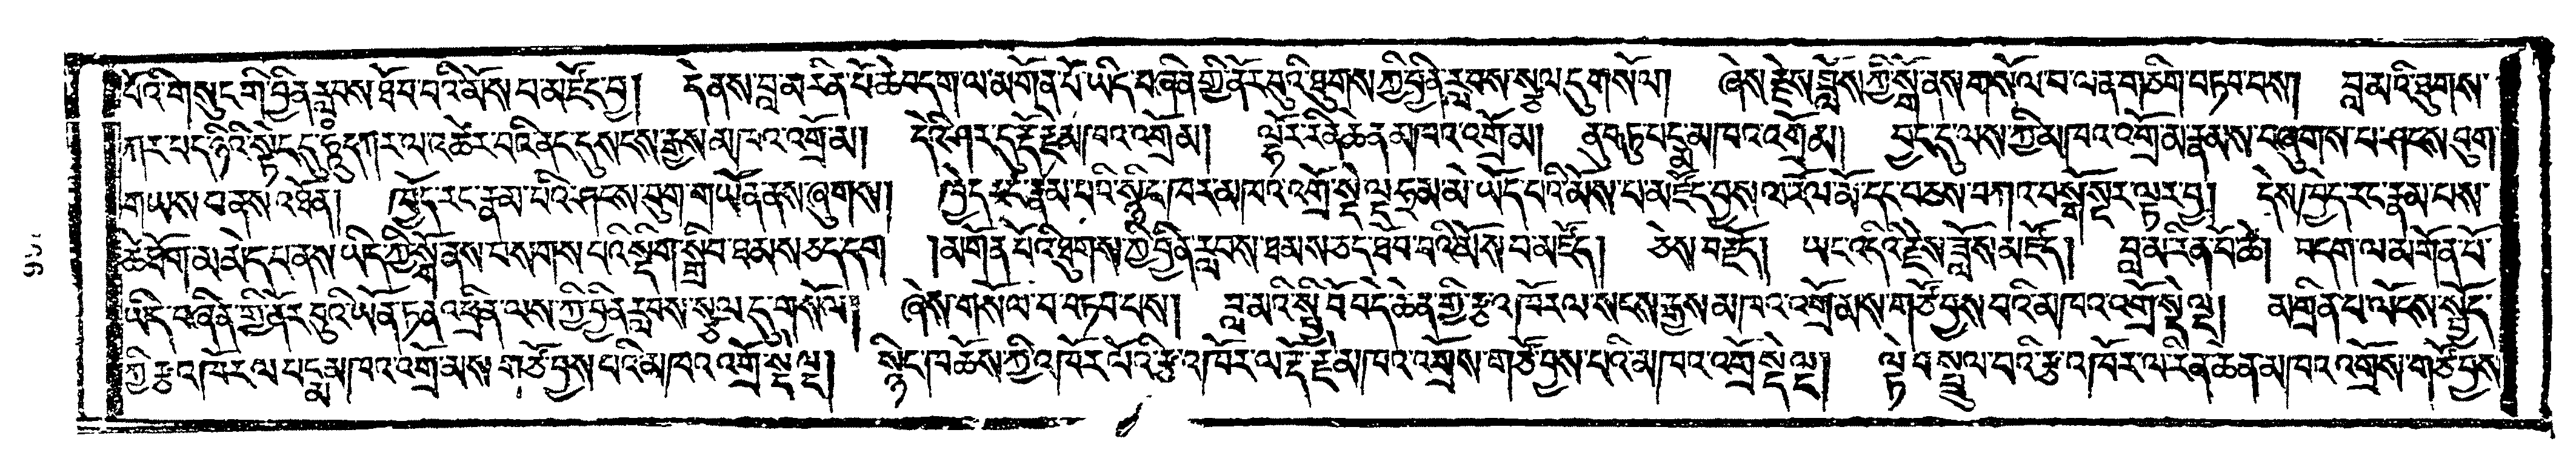པོའི་གསུང་གི་བྱིན་རླབས་ཐོབ་པའི་མོས་པ་མཛོད་བྱ། དེ་ནས་བླ་མ་རིན་པོ་ཆེ་བདག་ལ་མགོན་པོ་ཡིད་བཞིན་གྱི་ནོར་བུའི་ཐུགས་ཀྱི་བྱིན་རླབས་སྩལ་དུ་གསོལ། ཞེས་རྗེས་བློས་ཀྱི་སྒོ་ནས་གསོལ་པ་ལན་གཅིག་བཏབ་བས། བླ་མའི་ཐུགས་
ཀར་པད་ཉིའི་སྟེང་དུ་ཧཱུཾ་དཀར་ལ་འཚེར་བའི་ནང་དུ་སངས་རྒྱས་མཁའ་འགྲོ་མ། །དེའི་ཤར་དུ་རྡོ་རྗེ་མཁའ་འགྲོ་མ། །ལྷོར་རིན་ཆེན་མཁའ་འགྲོ་མ། ནུབ་ཏུ་པདམ་མཁའ་འགྲོ་མ། །བྱང་དུ་ལས་གྱི་མཁའ་འགྲོ་མ་རྣམས་བཞུགས་པ་ཤངས་བུག་
གཡས་པ་ནས་འཐོན། ཁྱོད་རང་རྣམ་པའི་ཤངས་བུག་གཡོན་ནས་ཞུགས། ཁྱེད་རང་རྣམ་པའི་སྙིང་ཁར་མཁའ་འགྲོ་སྡེ་ལྡ་ཧྲམ་མེ་ཡོད་པའི་མོས་པ་མཛོད་བྱས་ལ་རོལ་མོ་དང་བཅས་བཀའ་བསྒོ་སྔར་ལྟར་བྱ། །དེས་ཁྱེད་རང་རྣམ་པས་
ཚེ་ཐོག་མ་མེད་པ་ནས་ཡིད་ཀྱི་སྒོ་ནས་བསགས་པའི་སྡིག་སྒྲིབ་ཐམས་ཅད་དག །མགོན་པོའི་ཐུགས་ཀྱི་བྱིན་རླབས་ཐམས་ཅད་ཐོབ་པའི་མོས་པ་མཛོད། ཅེས་བརྗོད། ཡང་འདིའི་རྗེས་ཟློས་མཛོད། བླ་མ་རིན་པོ་ཆེ། བདག་ལ་མགོན་པོ་
ཡིད་བཞིན་གྱི་ནོར་བུའི་ཡོན་ཏན་འཕྲིན་ལས་ཀྱི་བྱིན་རླབས་སྩལ་དུ་གསོལ། ཞེས་གསོལ་པ་བཏབ་པས། བླ་མའི་སྤྱི་བོ་བདེ་ཆེན་གྱི་རྩ་འཁོར་ལ་སངས་རྒྱས་མཁའ་འགྲོ་མས་གཙོ་བྱས་པའི་མཁའ་འགྲོ་སྡེ་ལྔ། མགྲིན་པ་ལོངས་སྤྱོད་
ཀྱི་རྩ་འཁོར་ལ་པདམ་མཁའ་འགྲོ་མས་གཙོ་བྱས་པའི་མཁའ་འགྲོ་སྡེ་ལྔ། སྙིང་ཁ་ཆོས་ཀྱི་འཁོར་ལོའི་རྩ་འཁོར་ལ་རྡོ་རྗེ་མཁའ་འགྲོས་གཙོ་བྱས་པའི་མཁའ་འགྲོ་སྡེ་ལྔ། ལྟེ་བ་སྤྲུལ་པའི་རྩ་འཁོར་ལ་རིན་ཆེན་མཁའ་འགྲོས་གཙོ་བྱས་